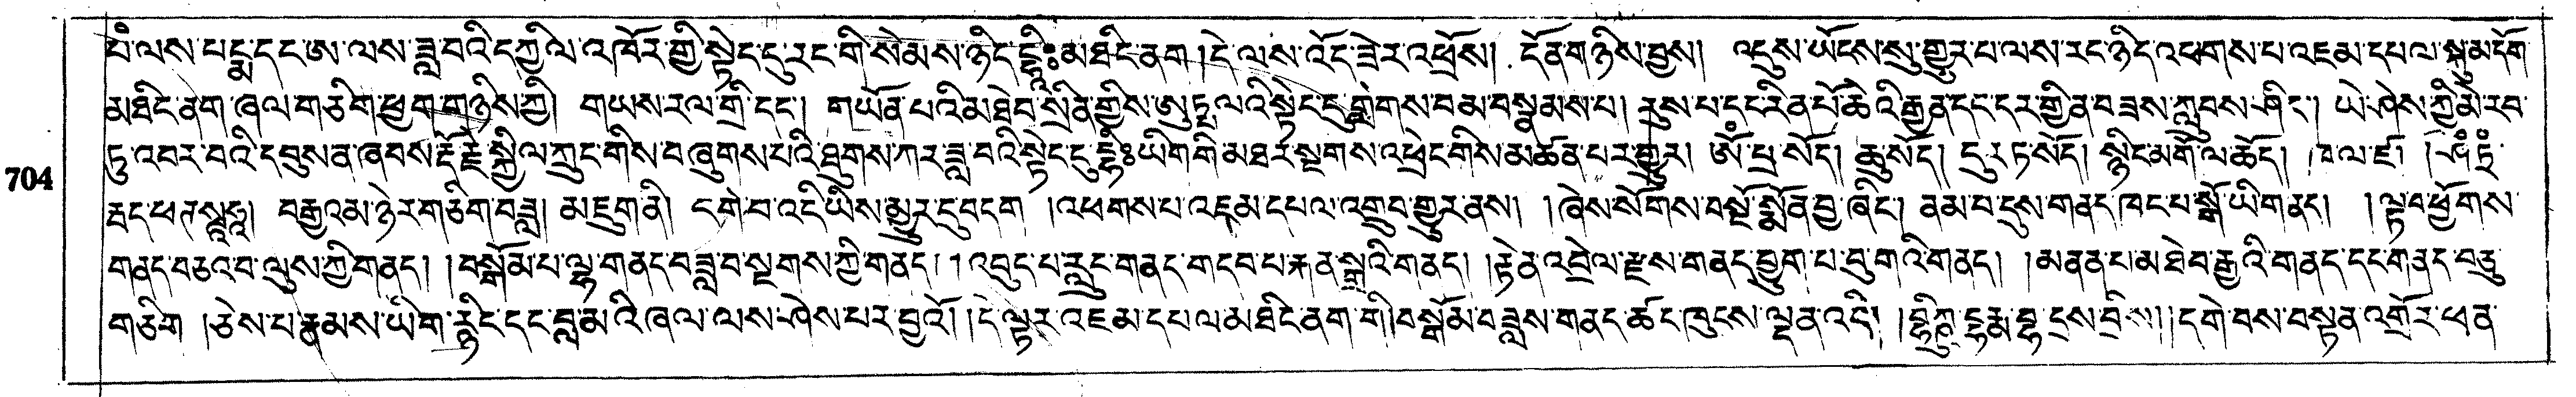པཾ་ལས་པདམ་དང་ཨ་ལས་ཟླ་བའི་དཀྱིལ་འཁོར་གྱི་སྟེང་དུ་རང་གི་སེམས་ཉིད་དྷཱིཿ མཐིང་ནག །དེ་ལས་འོད་ཟེར་འཕྲོས། དོན་གཉིས་བྱས། འདུས་ཡོངས་སུ་གྱུར་པ་ལས་རང་ཉིད་འཕགས་པ་འཇམ་དཔལ་སྐུ་མདོག་
མཐིང་ནག་ཞལ་གཅིག་ཕྱག་གཉིས་ཀྱི། གཡས་རལ་གྲི་དང་། གཡོན་པའི་མཐེབ་སྲིན་གྱིས་ཨུཏྤ་ལའི་སྟེང་དུ་གླེགས་བམ་བསྣམས་པ། རུས་པ་དང་རིན་པོ་ཆེའི་རྒྱན་དང་དར་གྱི་ན་བཟས་ཀླུབས་ཤིང་། ཡེ་ཤེས་ཀྱི་མེ་རབ་
ཏུ་འབར་བའི་དབུས་ན་ཞབས་རྡོ་རྗེ་སྐྱིལ་ཀྲུང་གིས་བཞུགས་པའི་ཐུགས་ཀར་ཟླ་བའི་སྟེང་དུ་དྷིཿ ཡིག་གི་མཐར་སྔགས་འཕྲེང་གིས་མཚན་པར་གྱུར། ཨོཾ་པྲ་སོད། ཆུ་སོད། དུར་ཏ་སོད། སྙིང་མགོ་ལ་ཆོད། ཁ་ལ་ཛ། ཤཾ་ཏྲཾ་
རྦད་ཕཊ་སྭཱ་ཧཱ། བརྒྱའམ་ཉེར་གཅིག་བཟླ། མཇུག་ནི། དགེ་བ་འདི་ཡིས་མྱུར་དུ་བདག །འཕགས་པ་འཇམ་དཔལ་འགྲུབ་གྱུར་ནས། །ཞེས་སོགས་བསྔོ་སྨོན་བྱ་ཞིང་། ནམ་པ་དུས་གནད་ཁང་པ་སྒོ་ཡི་གནད། །ལྟ་བ་ཕྱོགས་
གནད་བཅའ་བ་ལུས་ཀྱི་གནད། །བསྒོམ་པ་ལྷ་གནད་བཟླ་བ་སྔགས་ཀྱི་གནད། །འབུད་པ་རླུང་གནད་གདབ་པ་རྐན་སྒྲའི་གནད། །རྟེན་འབྲེལ་རྫས་གནད་བྱུག་པ་བུ་གའི་གནད། །མནན་པ་མཐེབ་རྒྱའི་གནད་དང་གནད་བཅུ་
གཅིག །ཅེས་པ་རྣམས་ཡིག་རྙིང་དང་བླ་མའི་ཞལ་ལས་ཤེས་པར་བྱའོ། །དེ་ལྟར་འཇམ་དཔལ་མཐིང་ནག་གི། བསྒོམ་བཟླས་གནད་ཚང་ཁུངས་ལྡན་འདི། །བྷིཀྵུ་དྷརྨ་བྷ་དྲས་བྲིས། །དགེ་བས་བསྟན་འགྲོར་ཕན་